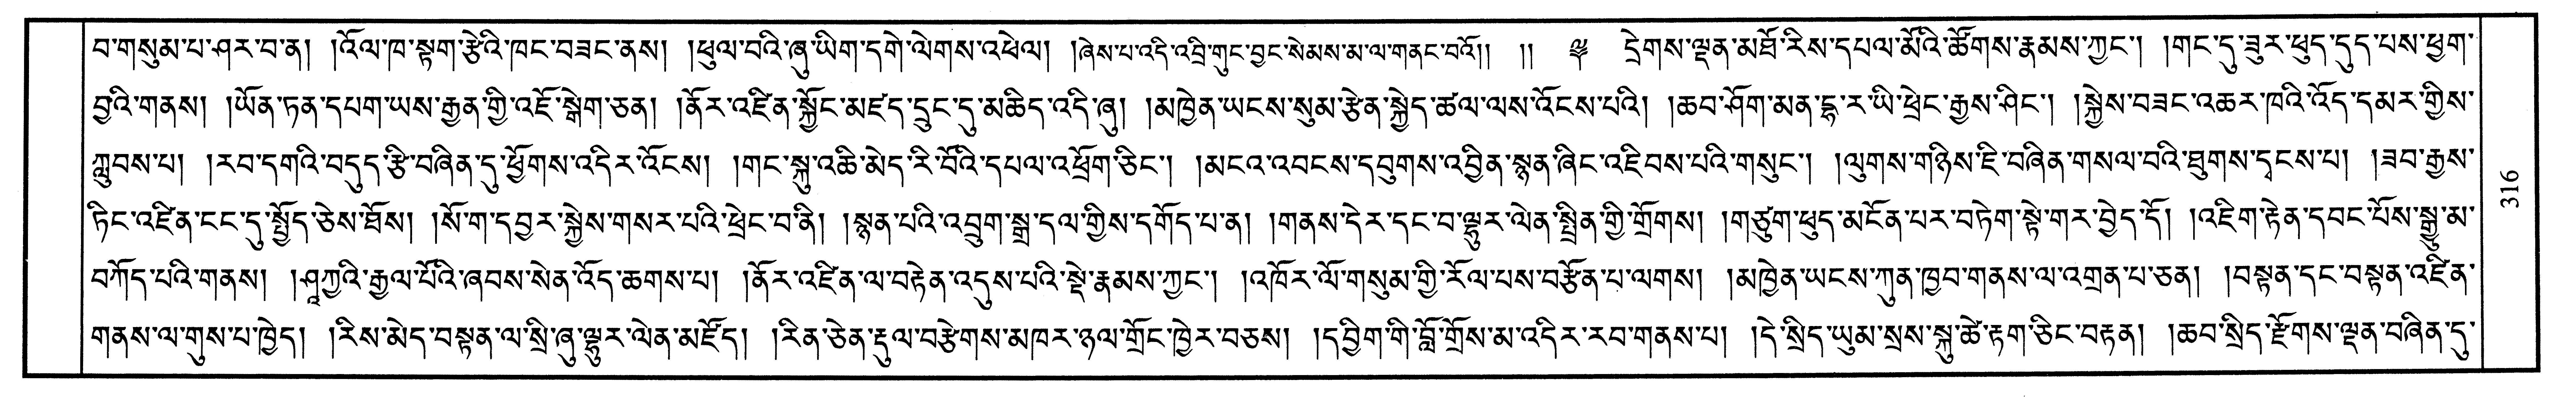བ་གསུམ་པ་ཤར་བ་ན། །འོལ་ཁ་སྟག་རྩེའི་ཁང་བཟང་ནས། །ཕུལ་བའི་ཞུ་ཡིག་དགེ་ལེགས་འཕེལ། །ཞེས་པ་འདི་འབྲི་གུང་བྱང་སེམས་མ་ལ་གནང་བའོ།། །། ༈ དྲེགས་ལྡན་མཐོ་རིས་དཔལ་མོའི་ཚོགས་རྣམས་ཀྱང་། །གང་དུ་ཟུར་ཕུད་དུད་པས་ཕྱག་
བྱའི་གནས། །ཡོན་ཏན་དཔག་ཡས་རྒྱན་གྱི་འཇོ་སྒེག་ཅན། །ནོར་འཛིན་སྐྱོང་མཛད་དྲུང་དུ་མཆིད་འདི་ཞུ། །མཁྱེན་ཡངས་སུམ་རྩེན་སྐྱེད་ཚལ་ལས་འོངས་པའི། །ཆབ་ཤོག་མན་དྷ་ར་ཡི་ཕྲེང་རྒྱས་ཤིང་། །སྐྱེས་བཟང་འཆར་ཁའི་འོད་དམར་གྱིས་
ཀླུབས་པ། །རབ་དགའི་བདུད་རྩི་བཞིན་དུ་ཕྱོགས་འདིར་འོངས། །གང་སྐུ་འཆི་མེད་རི་བོའི་དཔལ་འཕྲོག་ཅིང་། །མངའ་འབངས་དབུགས་འབྱིན་སྙན་ཞིང་འཇིབས་པའི་གསུང་། །ལུགས་གཉིས་ཇི་བཞིན་གསལ་བའི་ཐུགས་དྭངས་པ། །ཟབ་རྒྱས་
ཏིང་འཛིན་ངང་དུ་སྤྱོད་ཅེས་ཐོས། །སོ་ག་དབྱར་སྐྱེས་གསར་པའི་ཕྲེང་བ་ནི། །སྙན་པའི་འབྲུག་སྒྲ་དལ་གྱིས་དགོད་པ་ན། །གནས་དེར་དང་བ་ལྷུར་ལེན་སྤྲིན་གྱི་གྲོགས། །གཙུག་ཕུད་མངོན་པར་བཏེག་སྟེ་གར་བྱེད་དོ། །འཇིག་རྟེན་དབང་པོས་སྒྱུ་མ་
བཀོད་པའི་གནས། །ཤཱཀྱའི་རྒྱལ་པོའི་ཞབས་སེན་འོད་ཆགས་པ། །ནོར་འཛིན་ལ་བརྟེན་འདུས་པའི་སྡེ་རྣམས་ཀྱང་། །འཁོར་ལོ་གསུམ་གྱི་རོལ་པས་བརྩོན་པ་ལགས། །མཁྱེན་ཡངས་ཀུན་ཁྱབ་གནས་ལ་འགྲན་པ་ཅན། །བསྟན་དང་བསྟན་འཛིན་
གནས་ལ་གུས་པ་ཁྱེད། །རིས་མེད་བསྟན་ལ་སྲི་ཞུ་ལྷུར་ལེན་མཛོད། །རིན་ཅེན་རྡུལ་བརྩེགས་མཁར་ཉལ་གྲོང་ཁྱེར་བཅས། །དབྱིག་གི་བློ་གྲོས་མ་འདིར་རབ་གནས་པ། །དེ་སྲིད་ཡུམ་སྲས་སྐུ་ཚེ་རྟག་ཅིང་བརྟན། །ཆབ་སྲིད་རྫོགས་ལྡན་བཞིན་དུ་